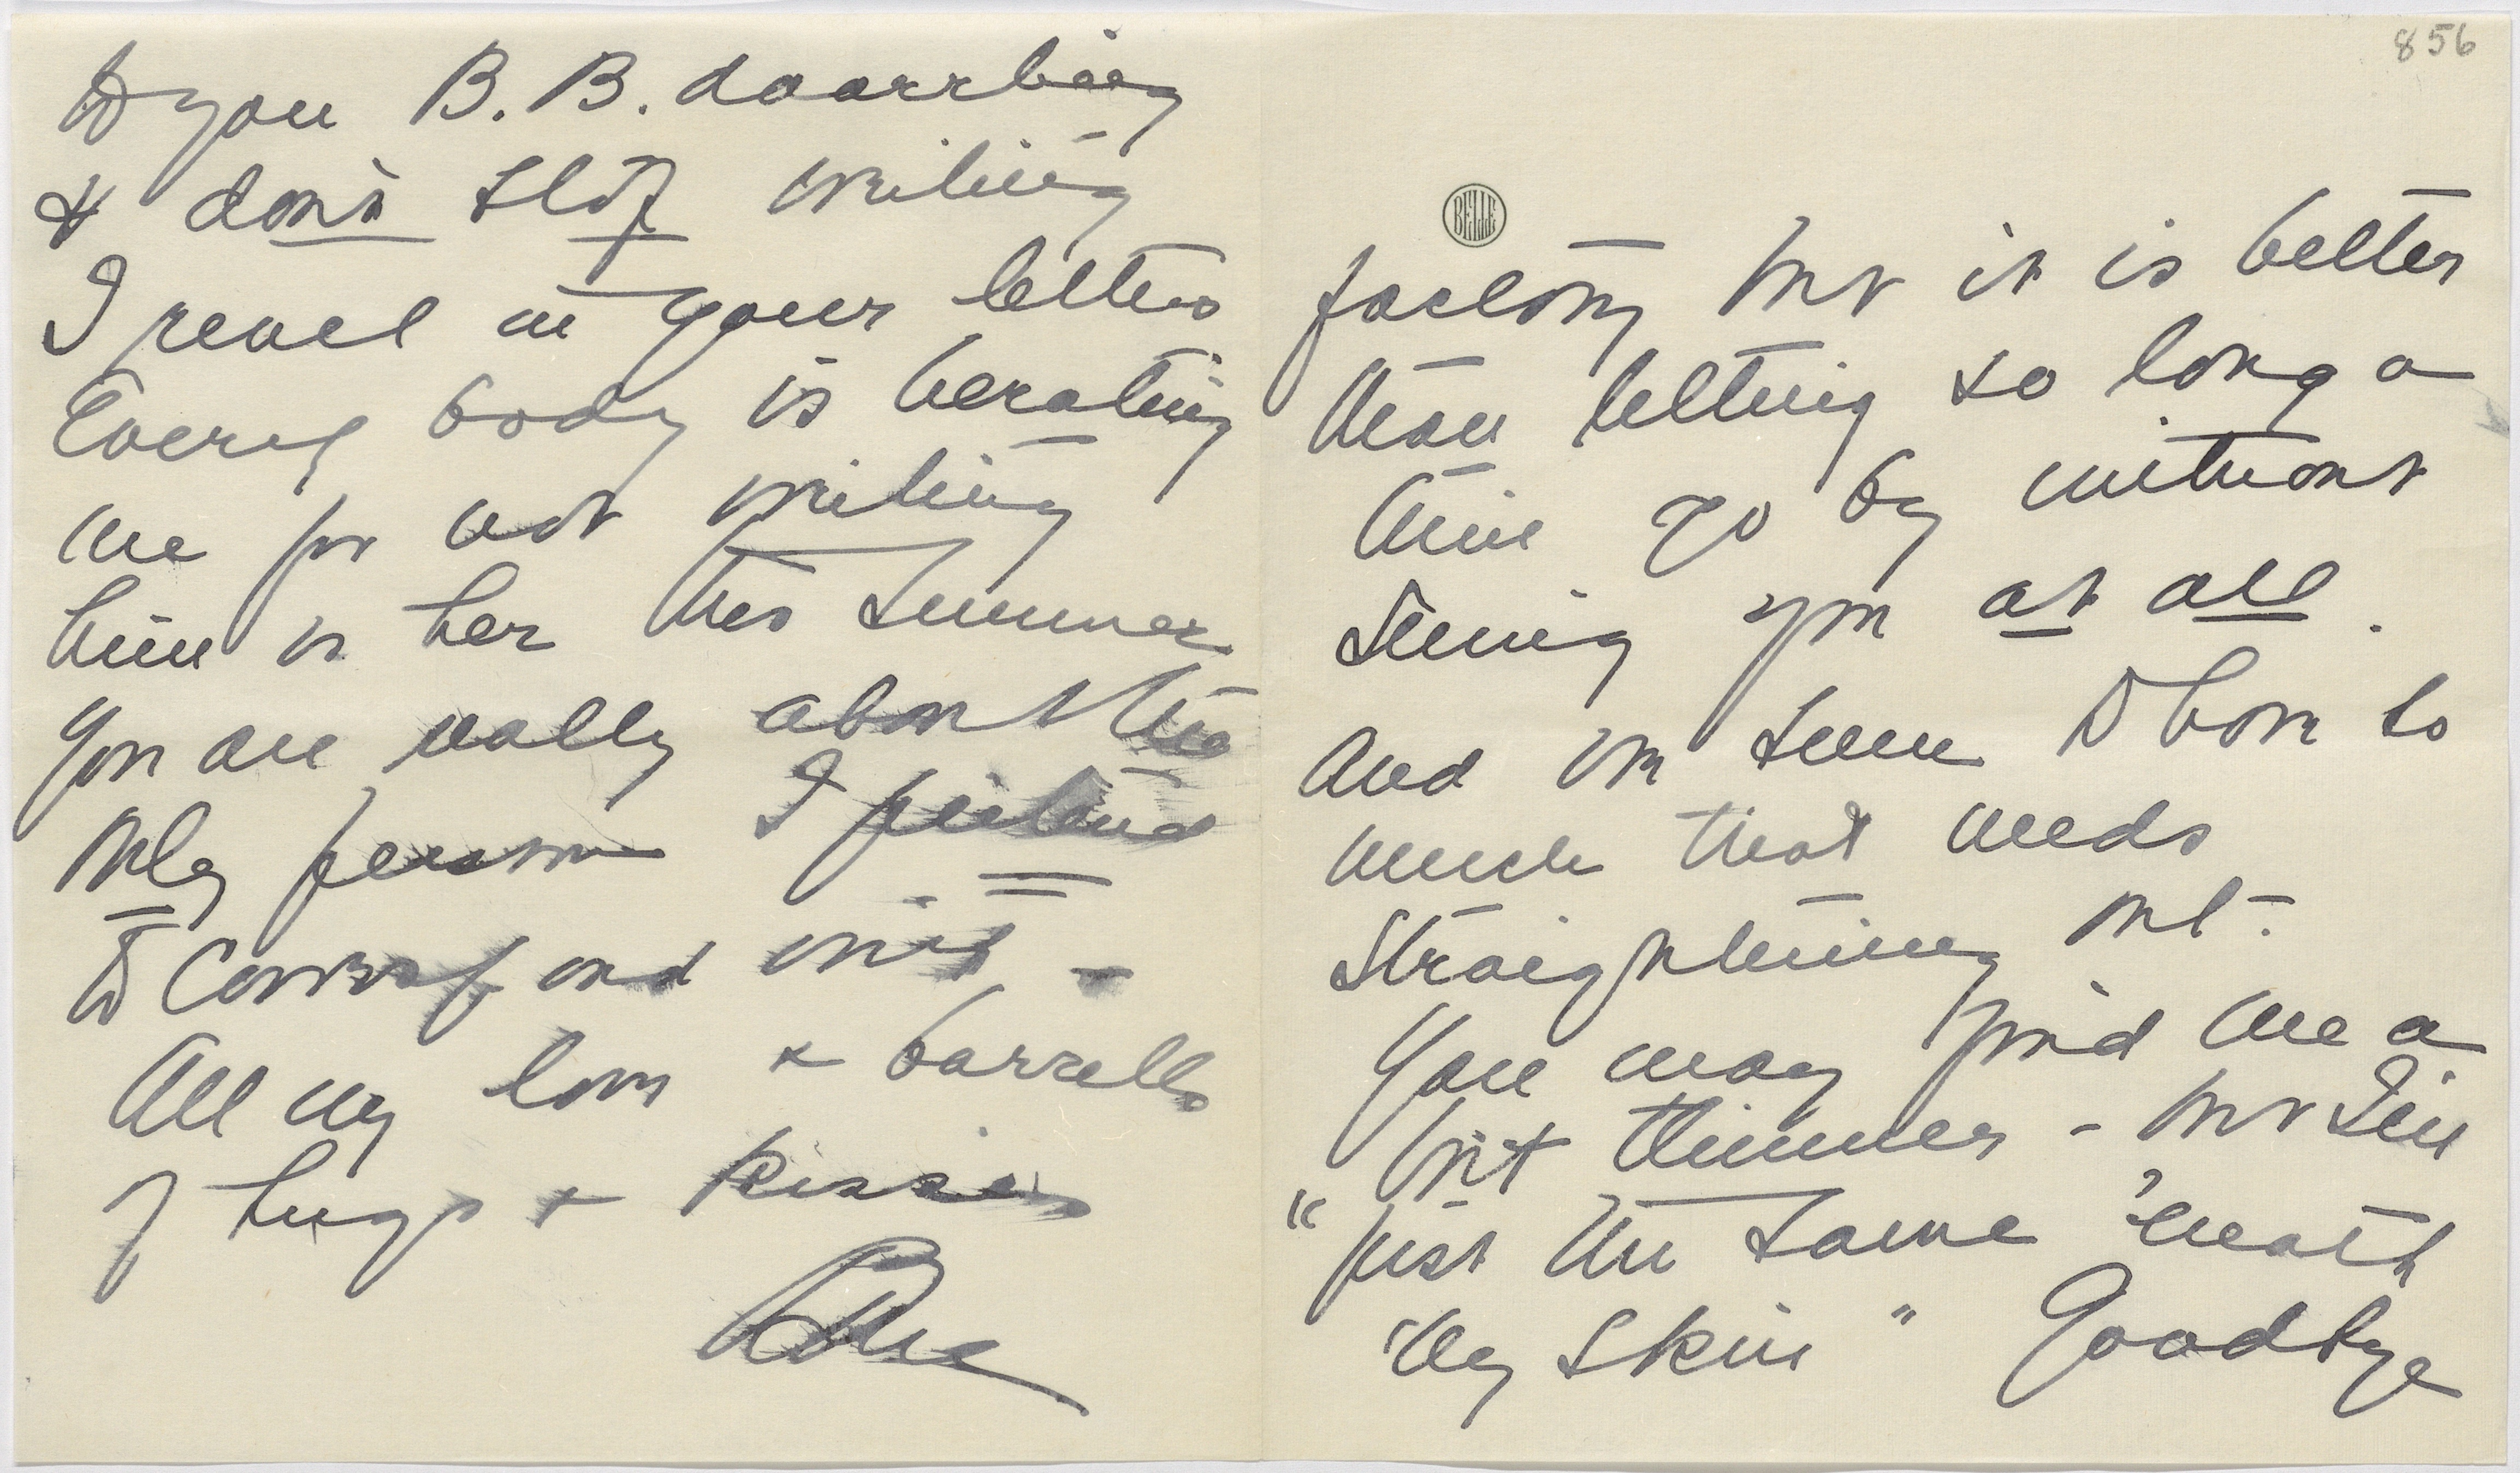but it is better than letting so long a time go by without seeing you at all. and we seem to have so much that needs straightening out.
You may find me a bit thinner – but I’m “just the same ‘neath my skin” Goodbye
to you B. B. daarrling & don’t stop writing I revel in your letters Every body is berating me for not writing him or her this summer You are really about the only person I [double underlined: pretend] to correspond with –
All my love & barrells [sic] of hugs & kisses
Belle